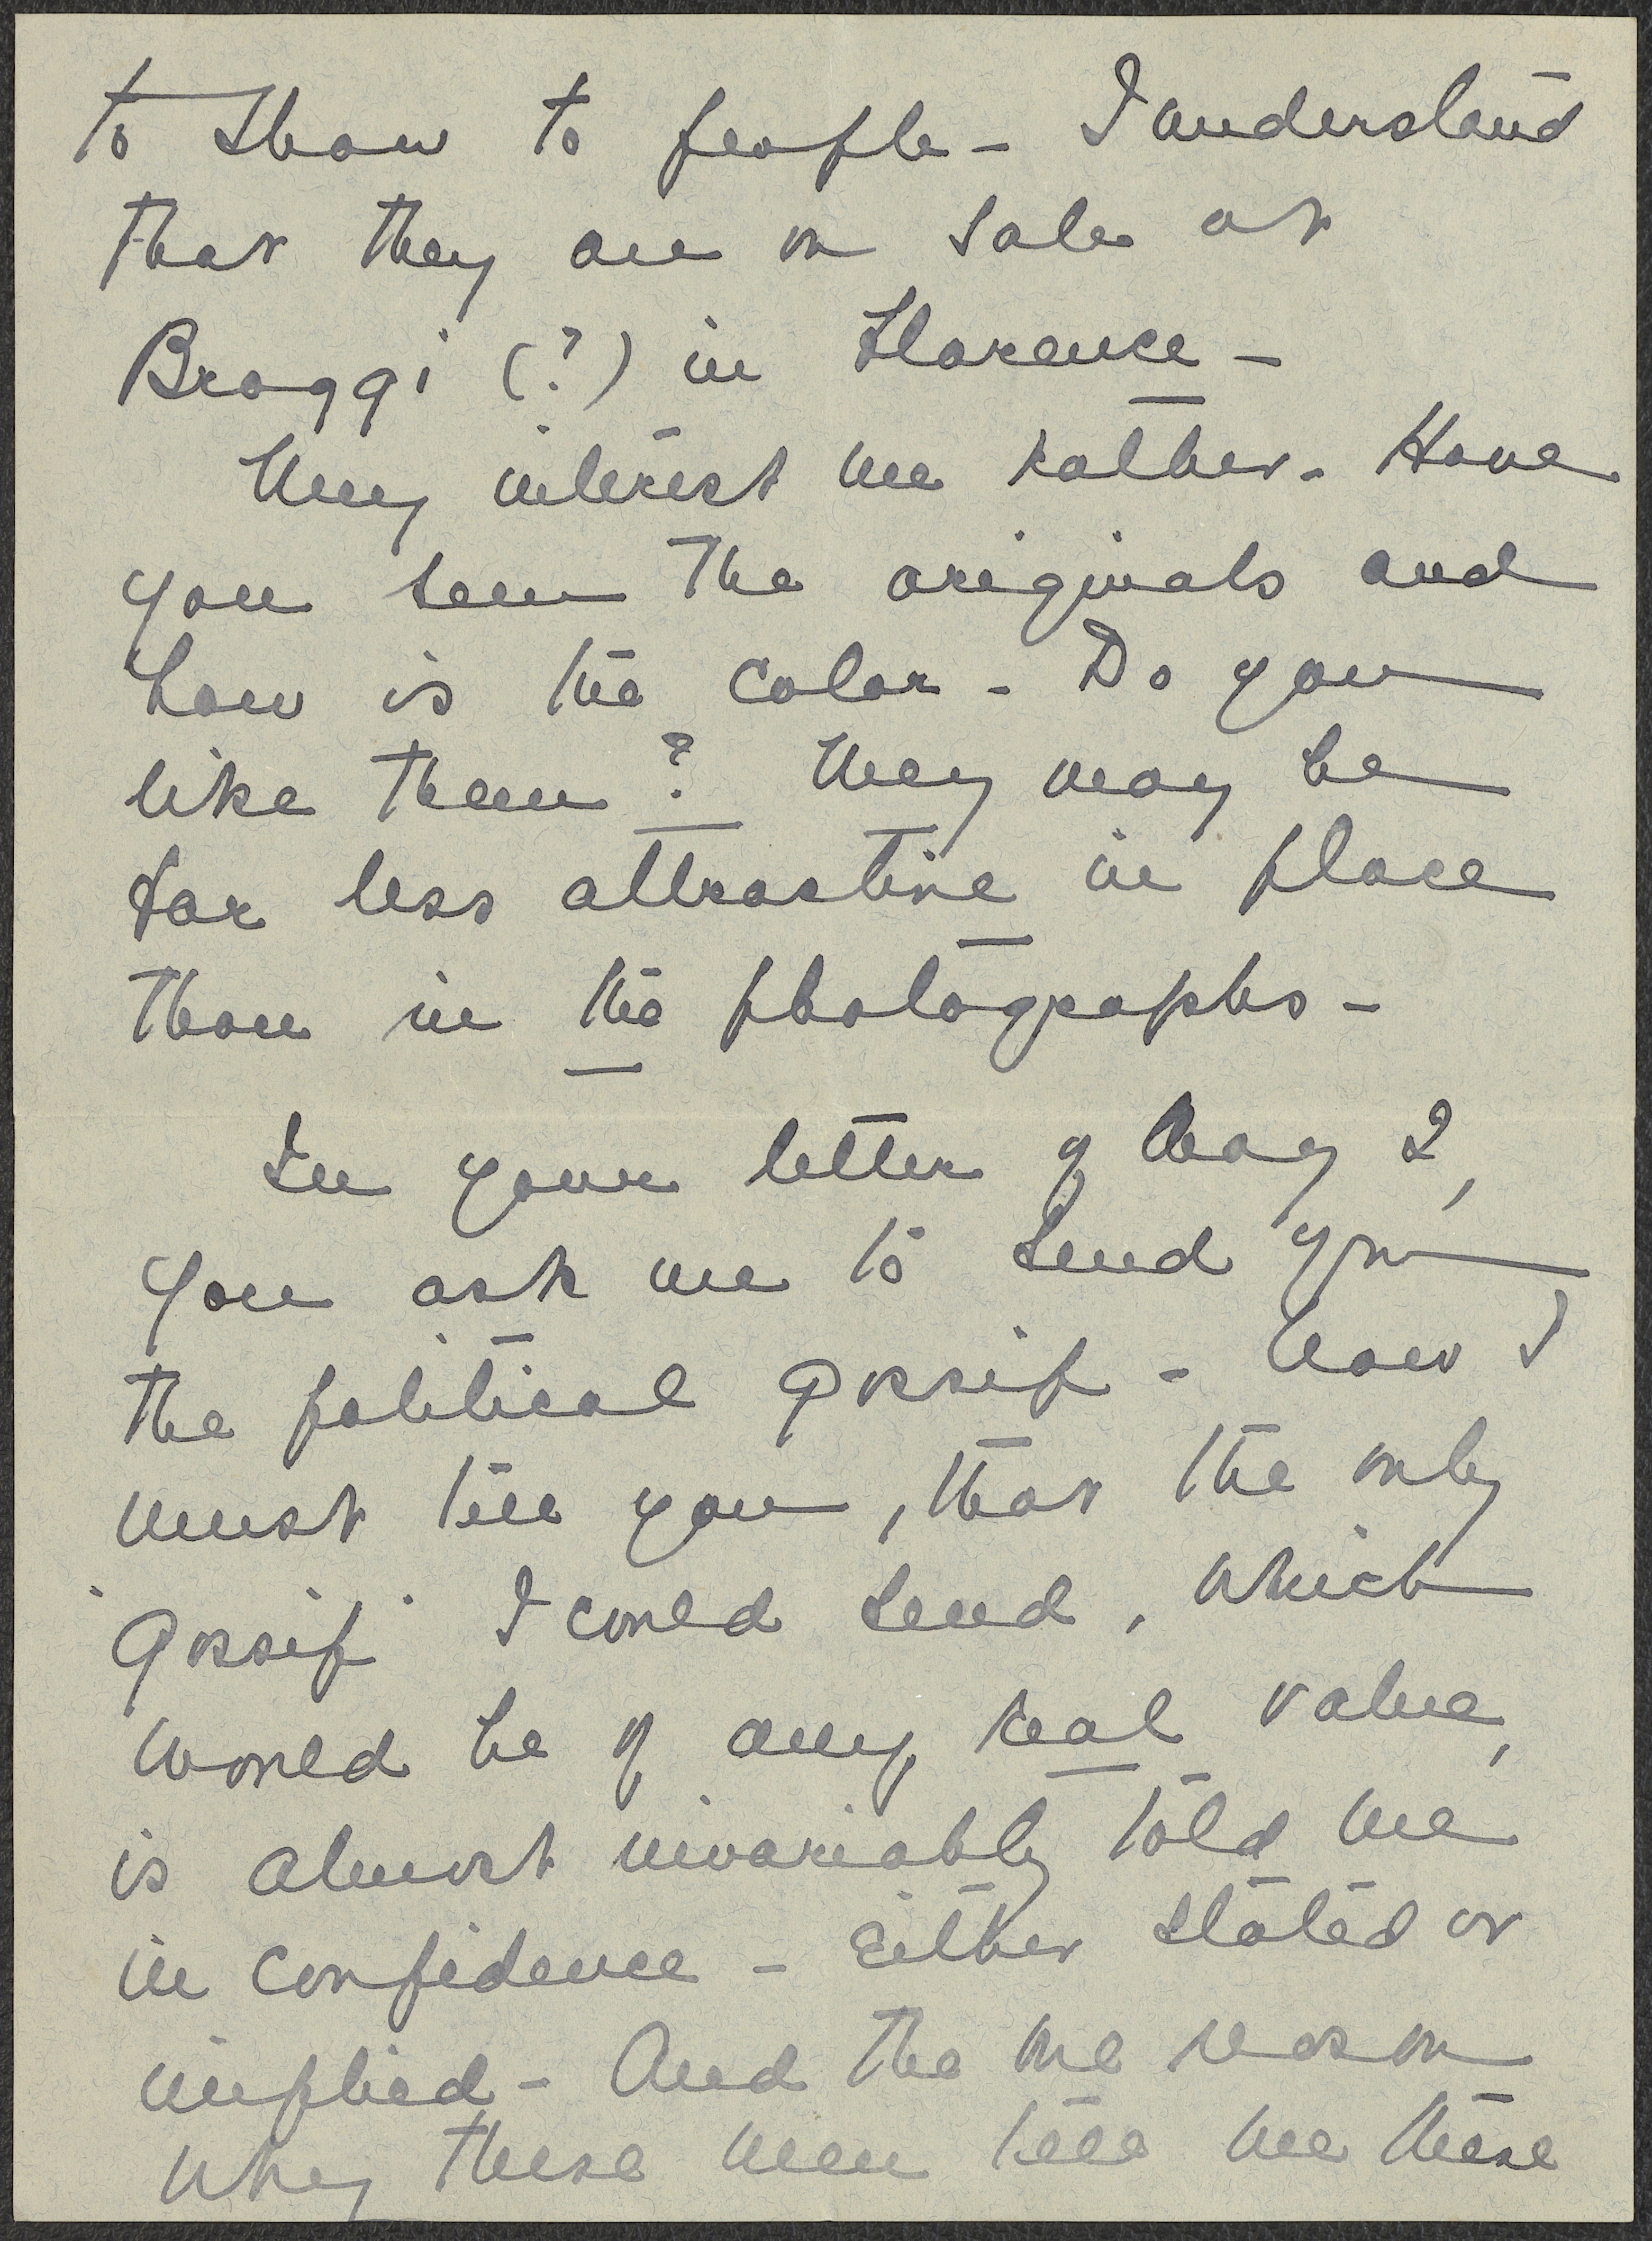to show to people – I understand that they are on sale at Broggi (?) in Florence –
They interest me rather – Have you seen the originals and how is the color – Do you like them? They may be far less attractive in place than in the photographs –
In your letter of May 2, you ask me to send you the political gossip – now I must tell you, that the only ‘gossip’ I could send, which would be of any real value, is almost invariably told me in confidence – either stated or implied – and the one reason why these men tell me these